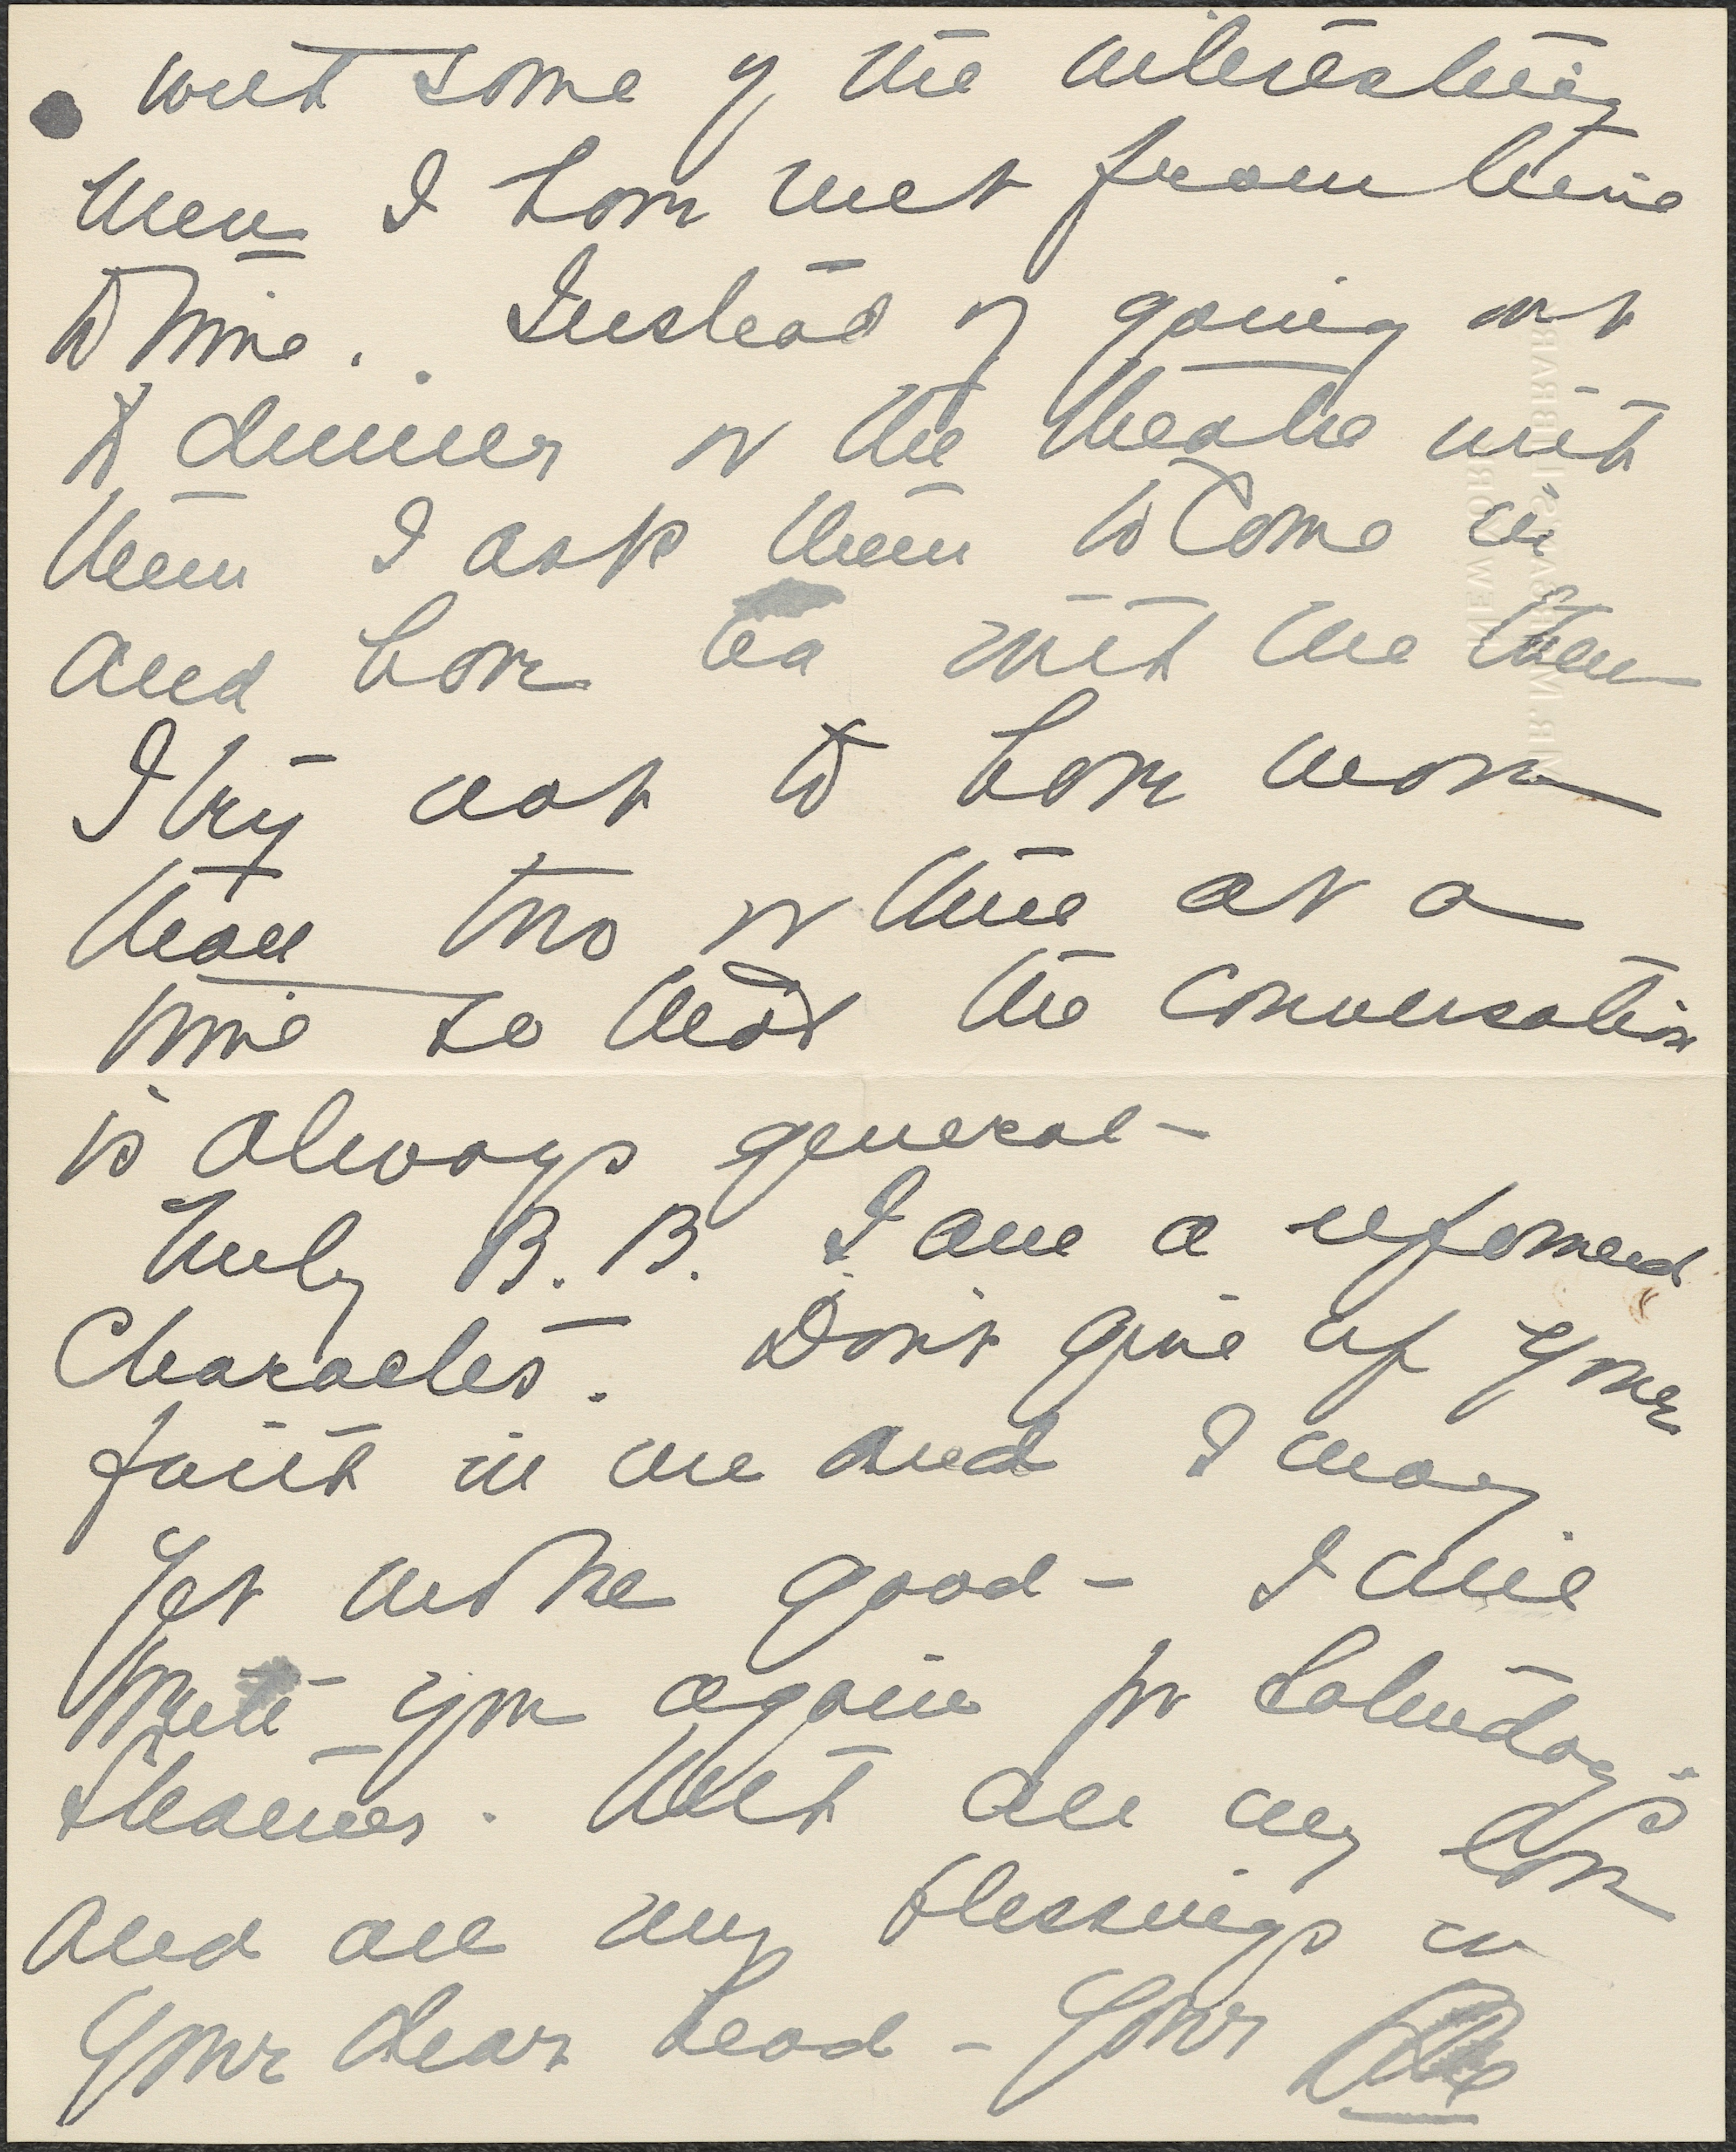with some of the interesting men I have met from time to time. Instead of going out to dinner or the theatre with them I ask them to come in and have tea with me there – I try not to have more than two or three at a time so that the conversation is always general –
Truly B.B. I am a reformed character. Don’t give up your faith in me and I may yet make good – I will write you again for Saturday’s steamer. With all my love and all my blessings in your dear head – Your Belle